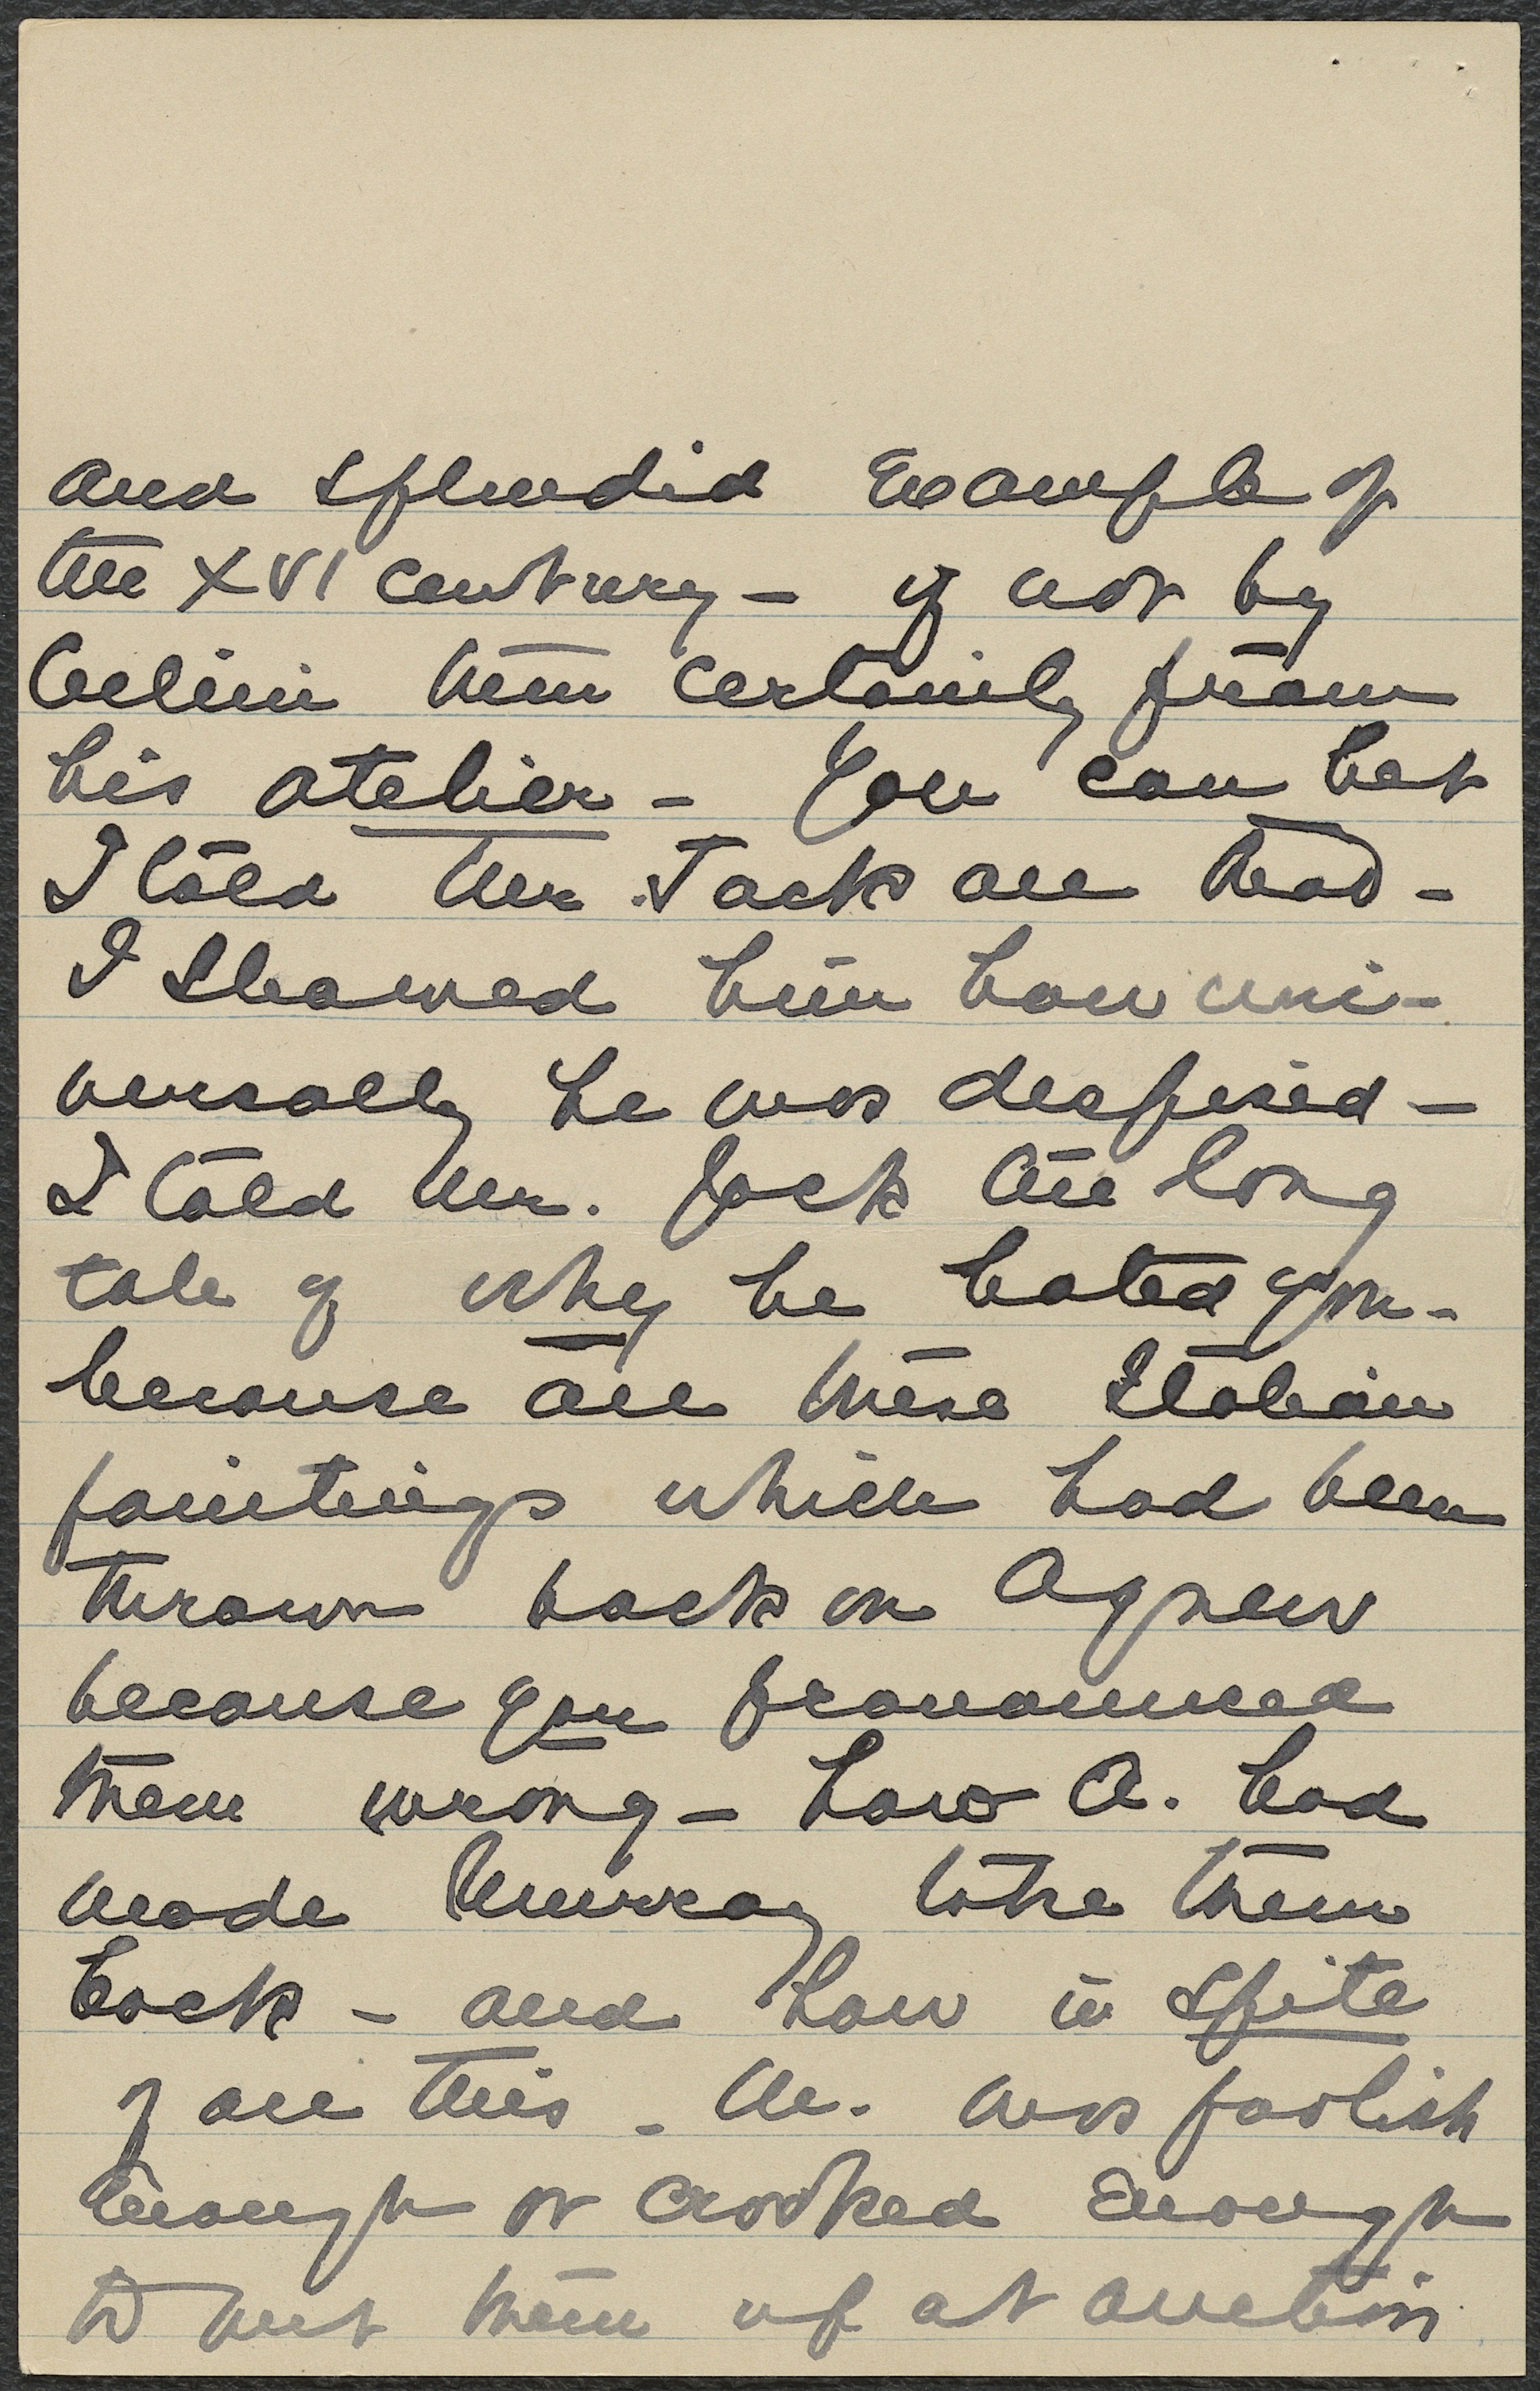and splendid example of the XVI century – if not by Cellini then certainly from his atelier – You can bet I told Mr. Jack all that – I showed him how universally he was despised – I told Mr. Jack the long tale of why he hated you – because all these Italian paintings which had been thrown back on Agnew because you pronounced them wrong – how A. had made Murray take them back – and how in spite of all this – M. was foolish enough or crooked enough to put them up at auction